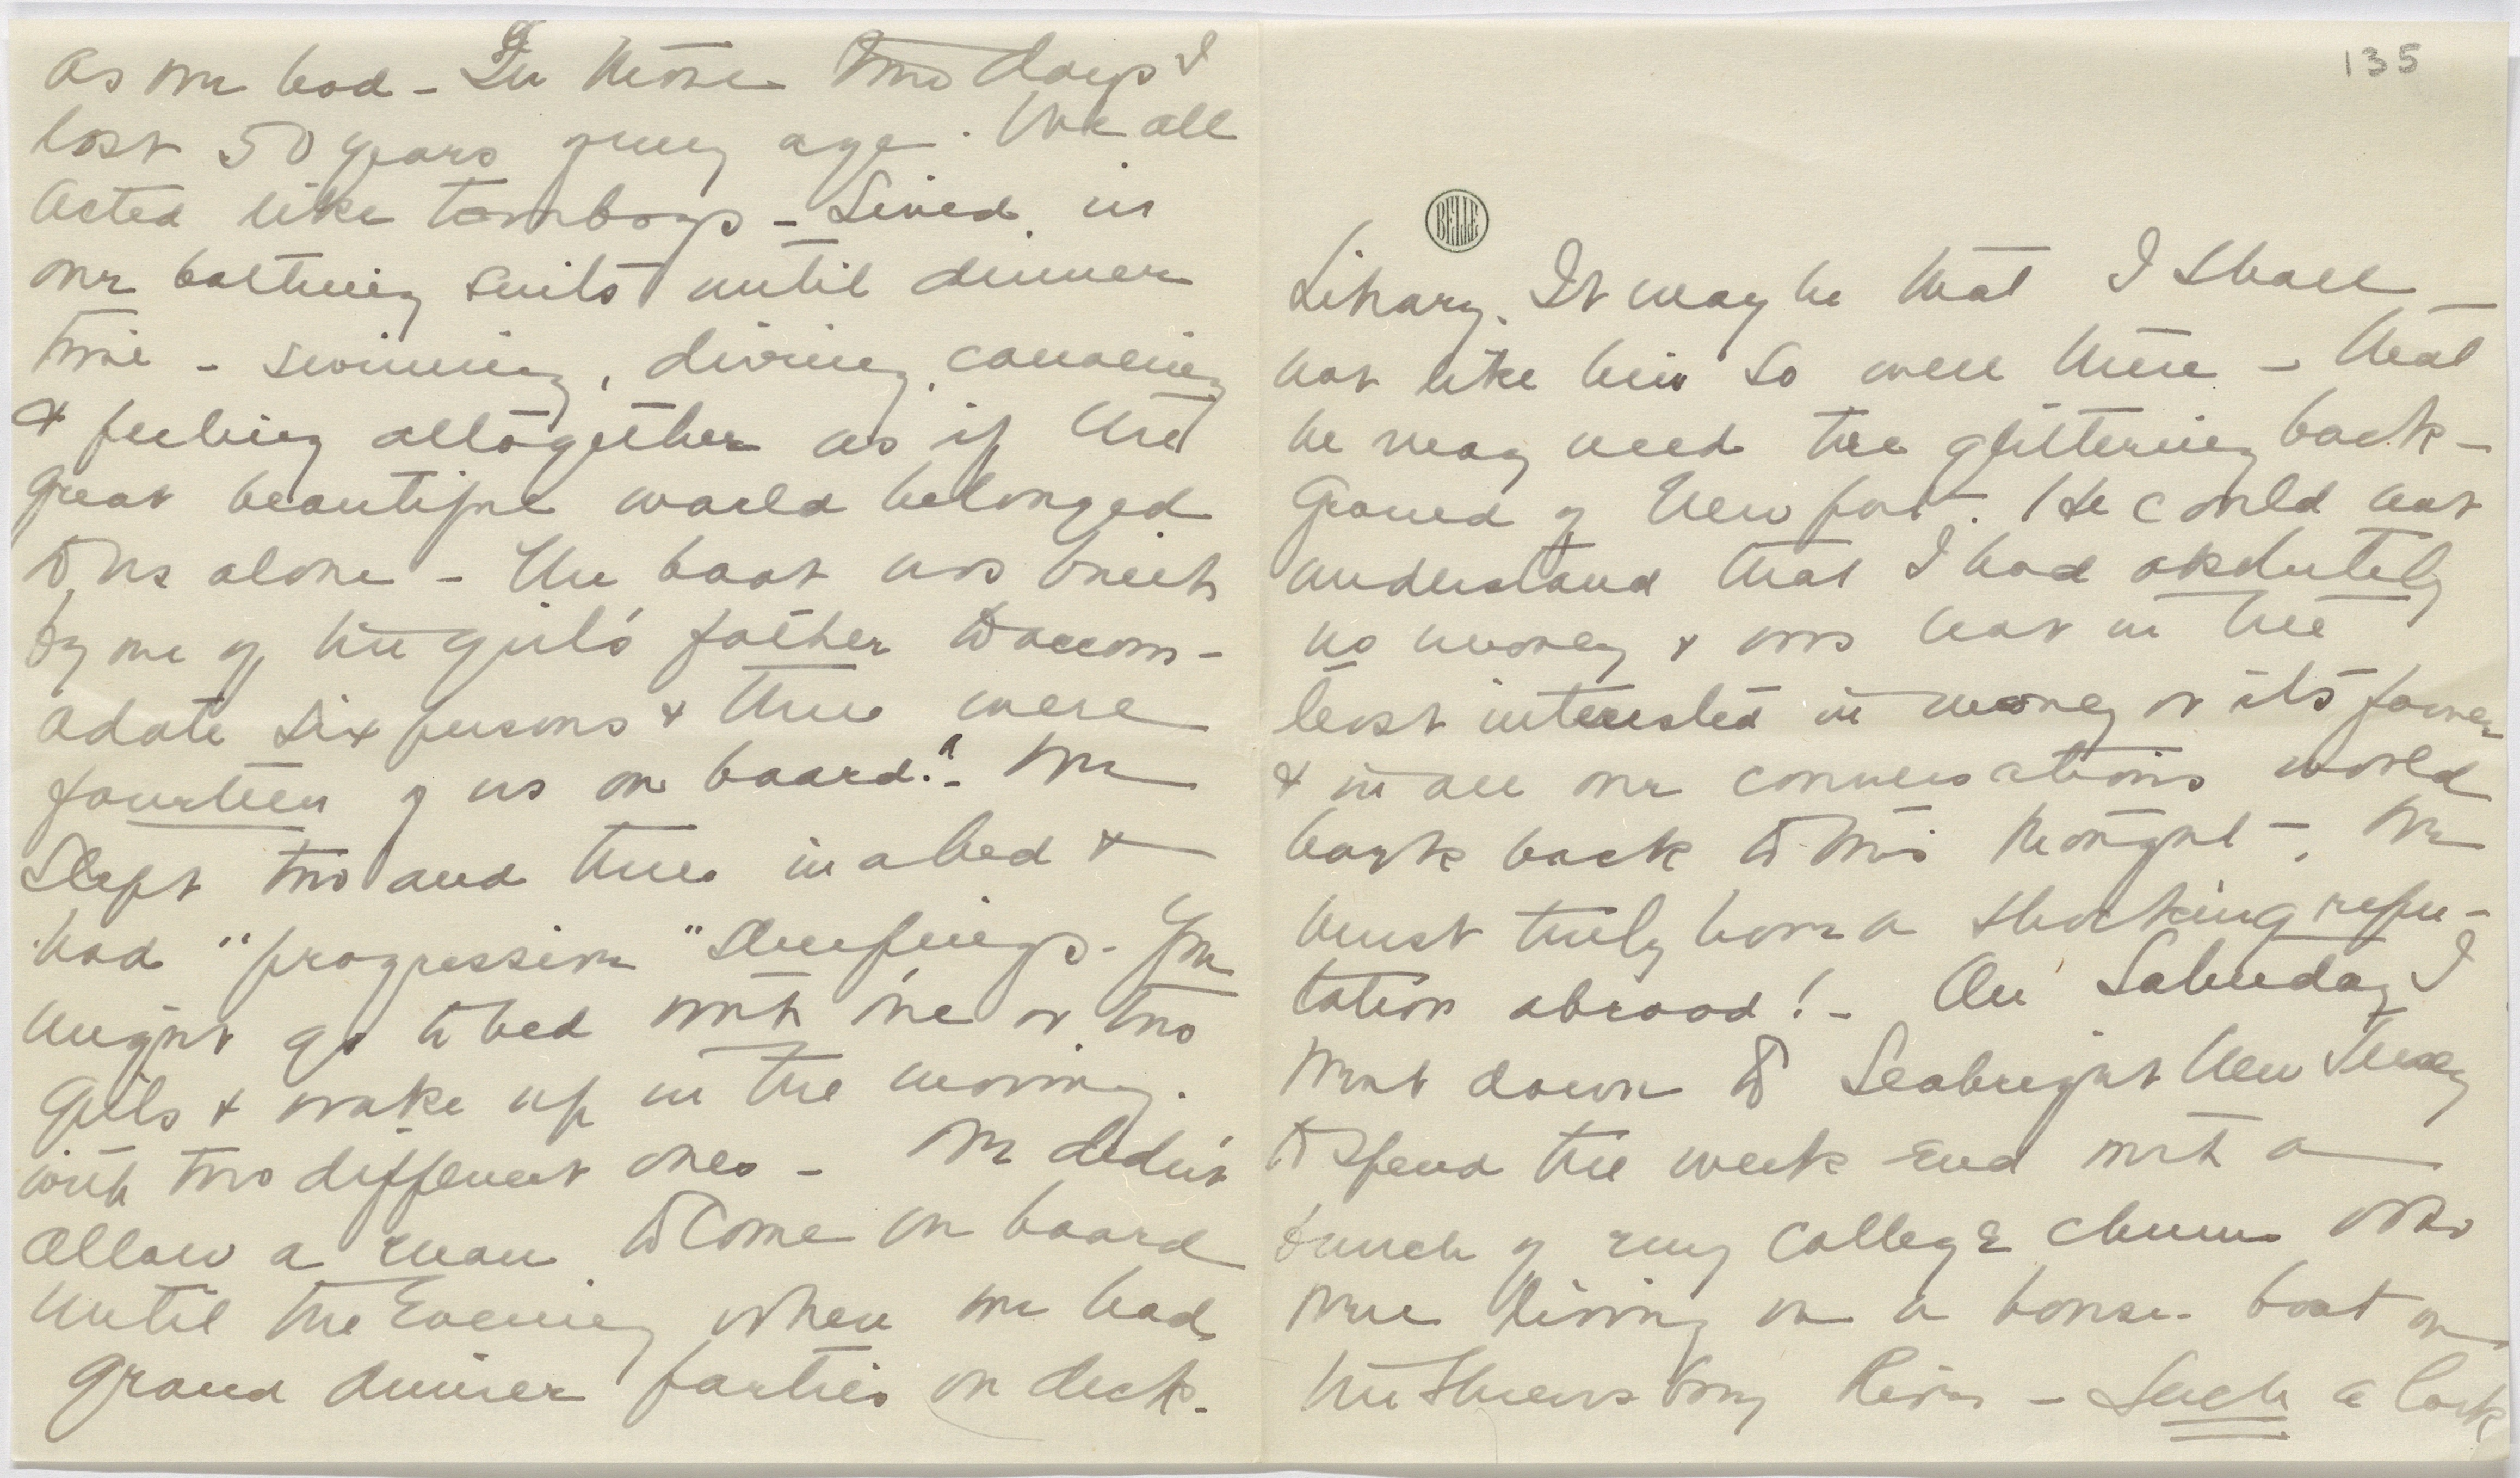Library. It may be that I shall not like him so well there – That he may need the glittering background of Newport. He could not understand that I had absolutely no money & was not in the least interested in money or its fame & in all our conversations would hark back to this thought – We must truly have a shocking reputation abroad! – On Saturday I went down to Seabright New Jersey to spend the week-end with a bunch of my college chums who were living on a house-boat on the Shrewsbury River – [double underlined: Such] a lark
as we had – in those two days I lost 50 years of my age. We all acted like tomboys – Lived in our bathing suits until dinner time – swimming, diving, canoeing & feeling altogether as if the great beautiful world belonged to us alone – The boat was built by one of the girl’s father to accommodate six persons & there were fourteen of us on board! We slept two and three in a bed & had “progressive” sleepings – You might go to bed with one or two girls & wake up in the morning with two different ones – We didn’t allow a man to come on board until the evening when we had grand dinner parties on deck –